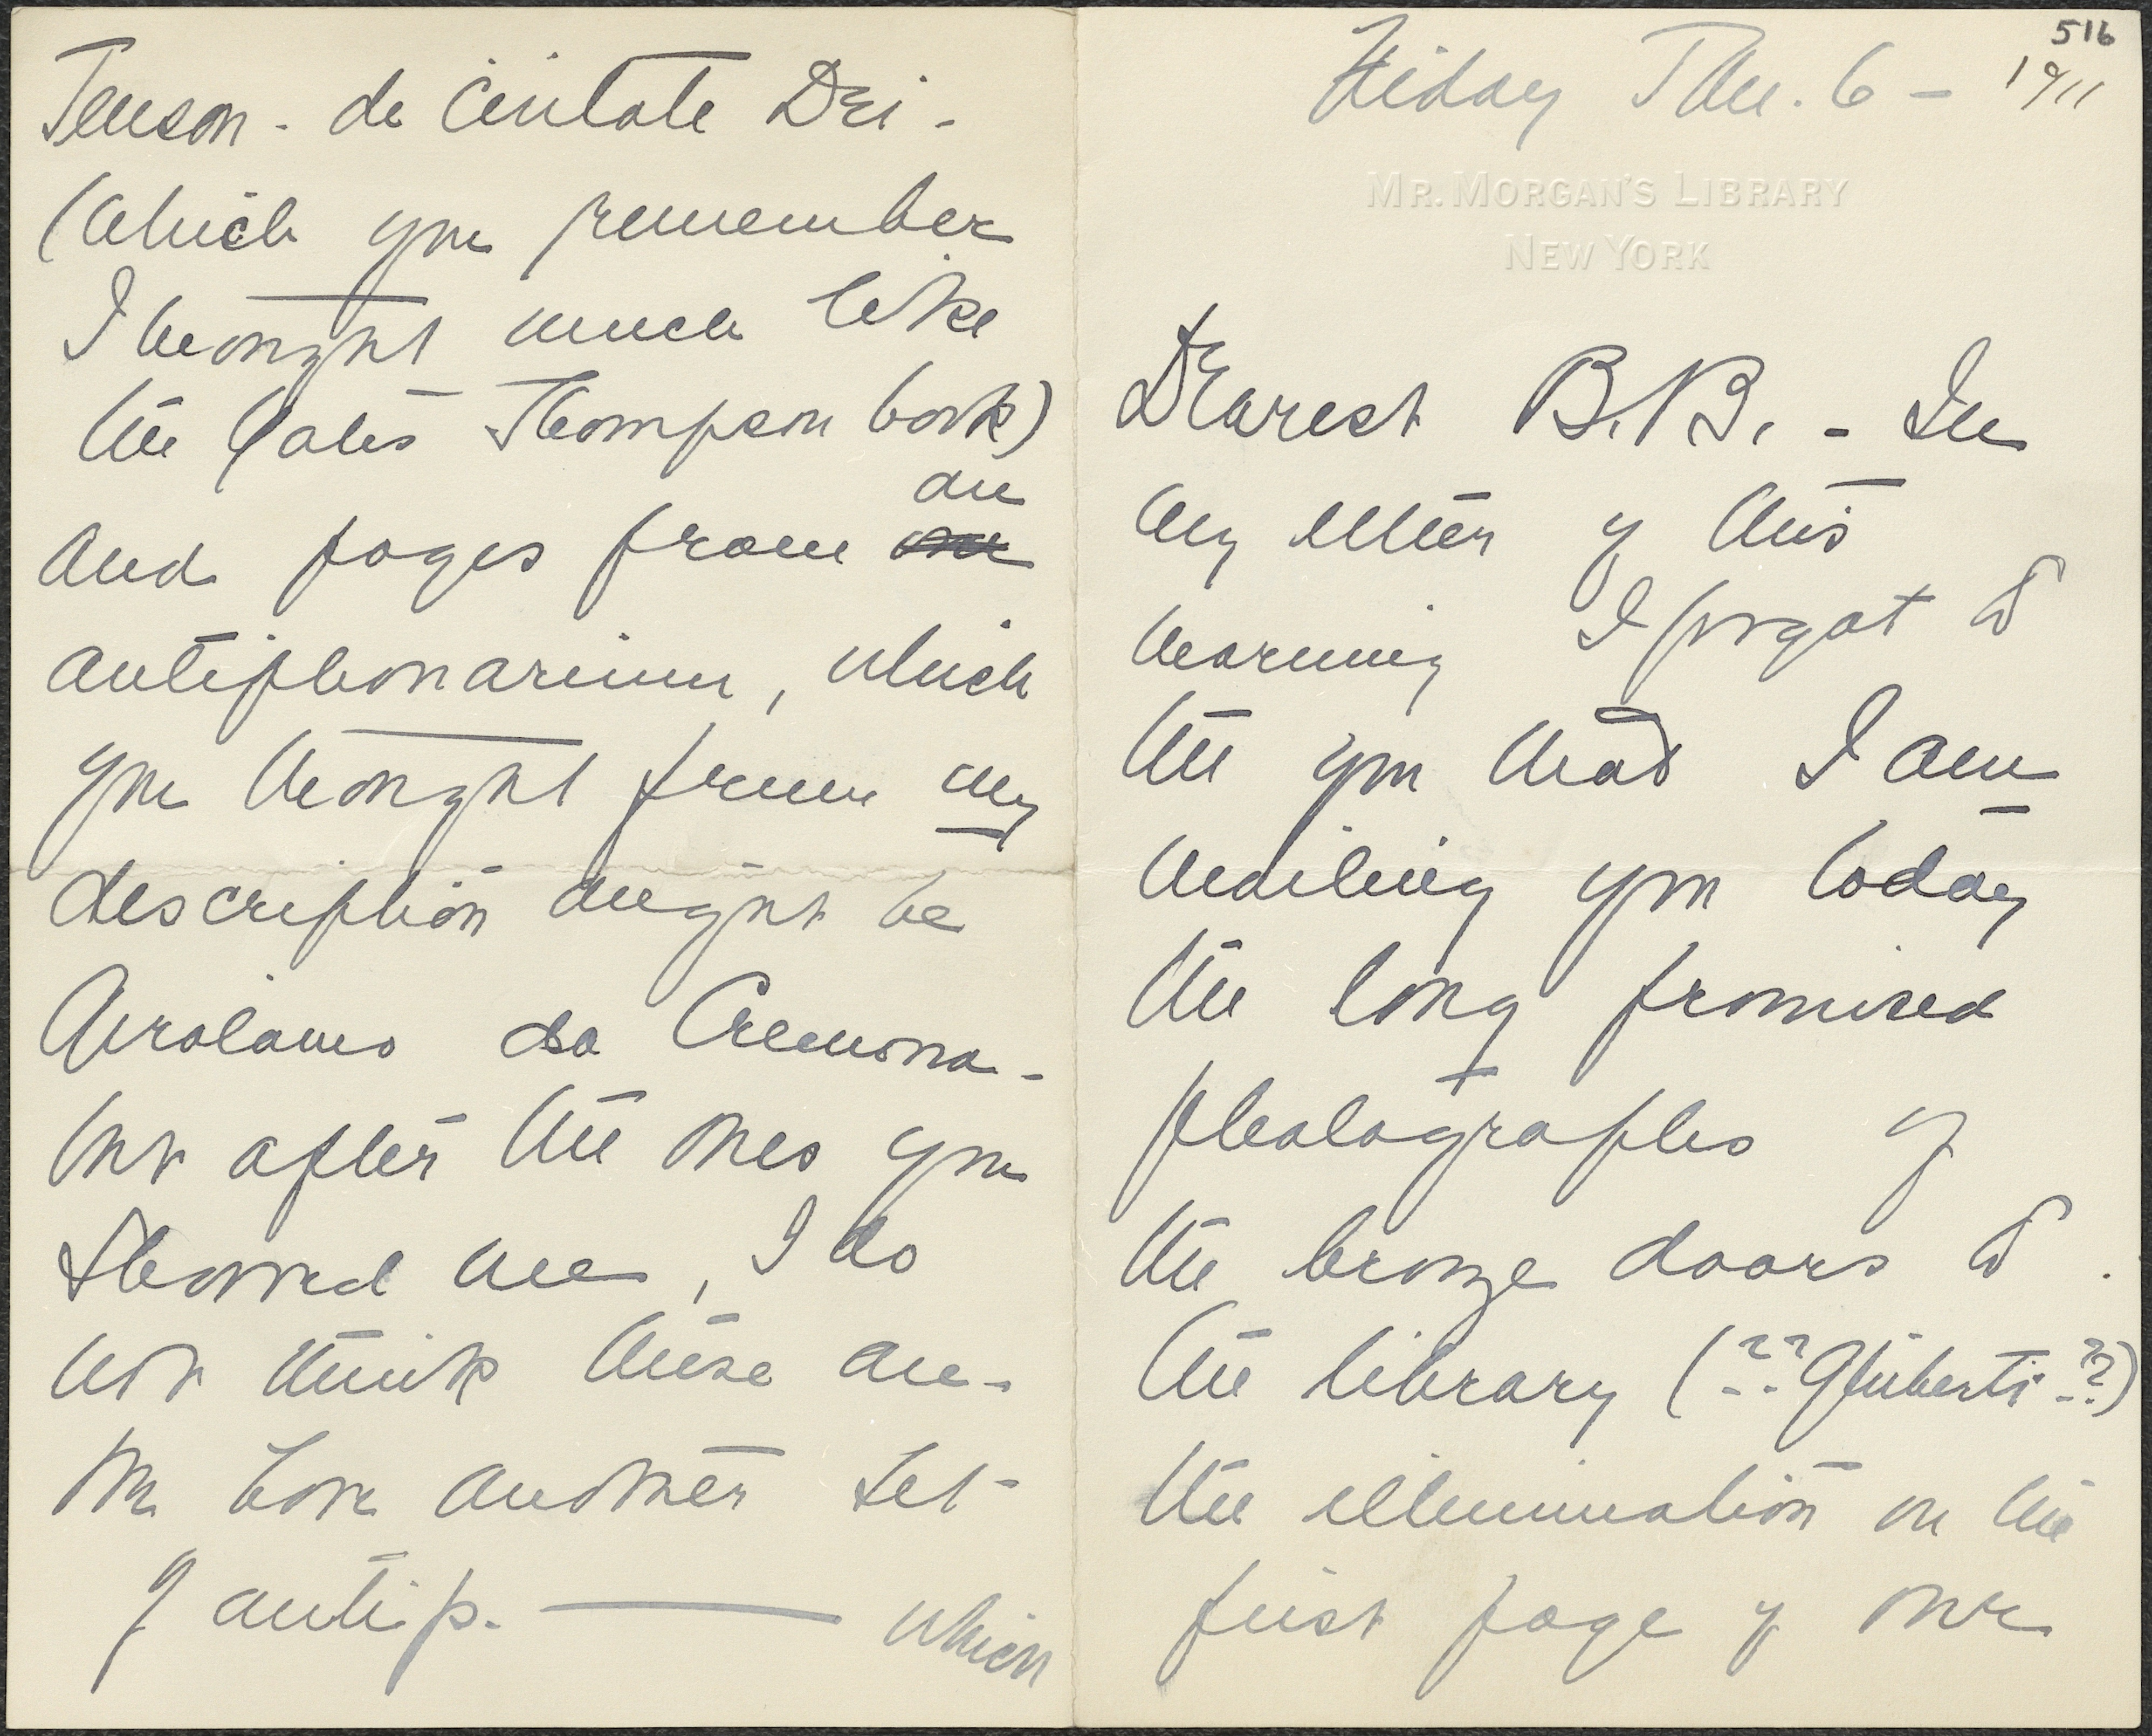Friday Jan. 6 –
Dearest B.B. – In my letter of this morning I forgot to tell you that I am mailing you today the long promised photographs of the bronze doors to the library (??Ghiberti??) the illumination on the first page of our
Jenson – di civitate Dei – (which you remember I thought much like the Yates Thompson book) and pages from our [^an^] antiphonarium, which you thought from my description might be Girolamo da Cremona – but after the ones you showed me, I do not think these are – We have another set of antip.— which